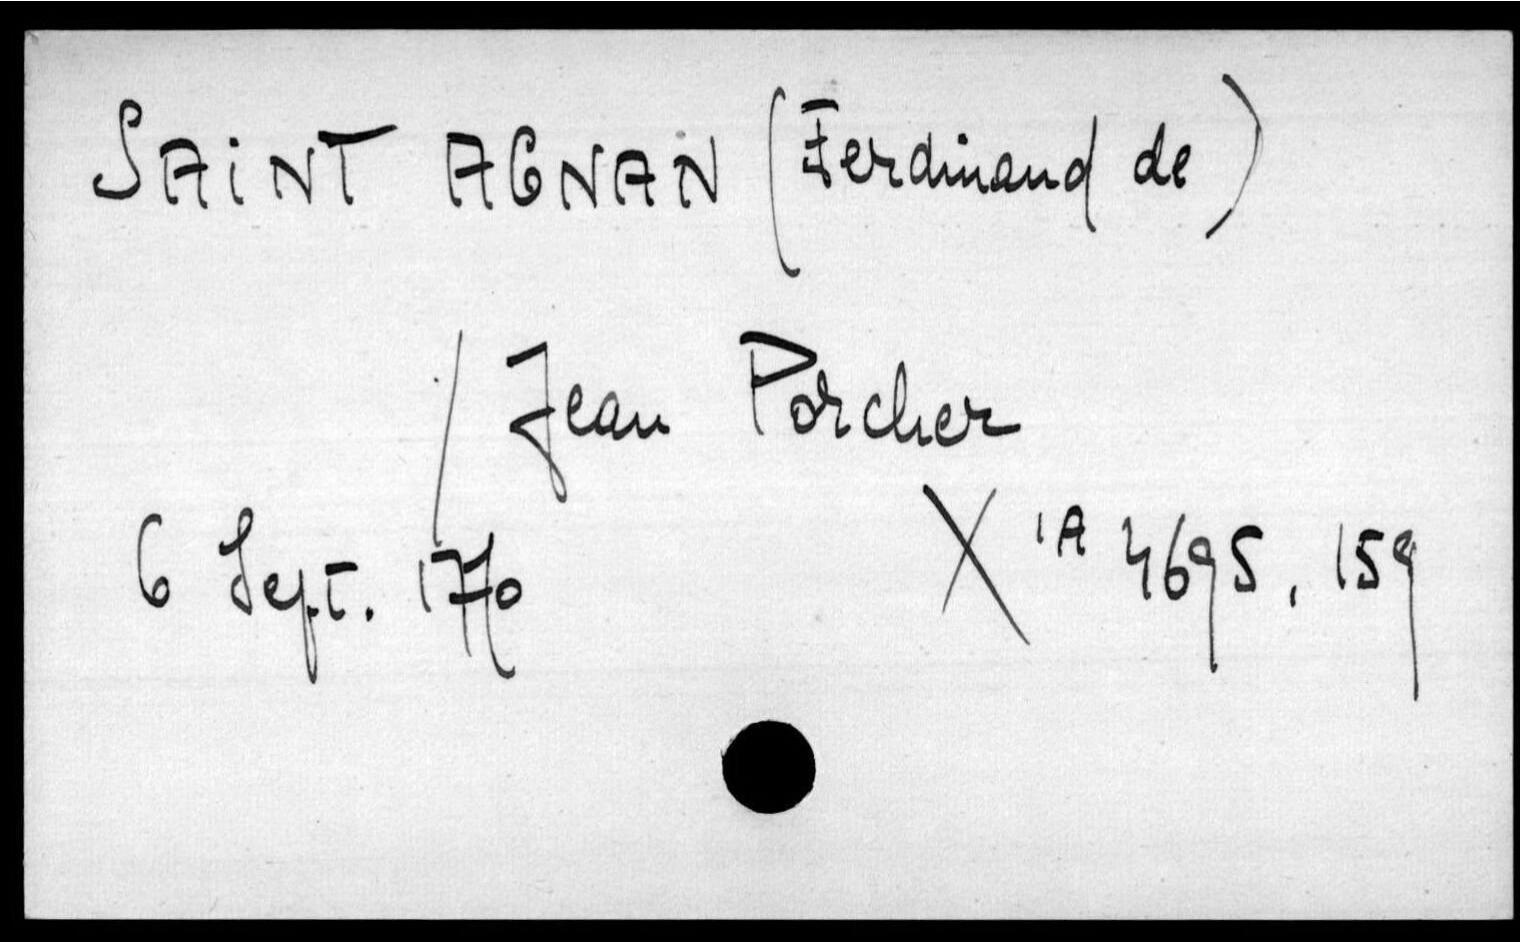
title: SAINT AGNAN (Ferdinand de)
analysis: Contre Jean Porcher
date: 6 septembre 1770
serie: X1A
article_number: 4695
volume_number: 159
